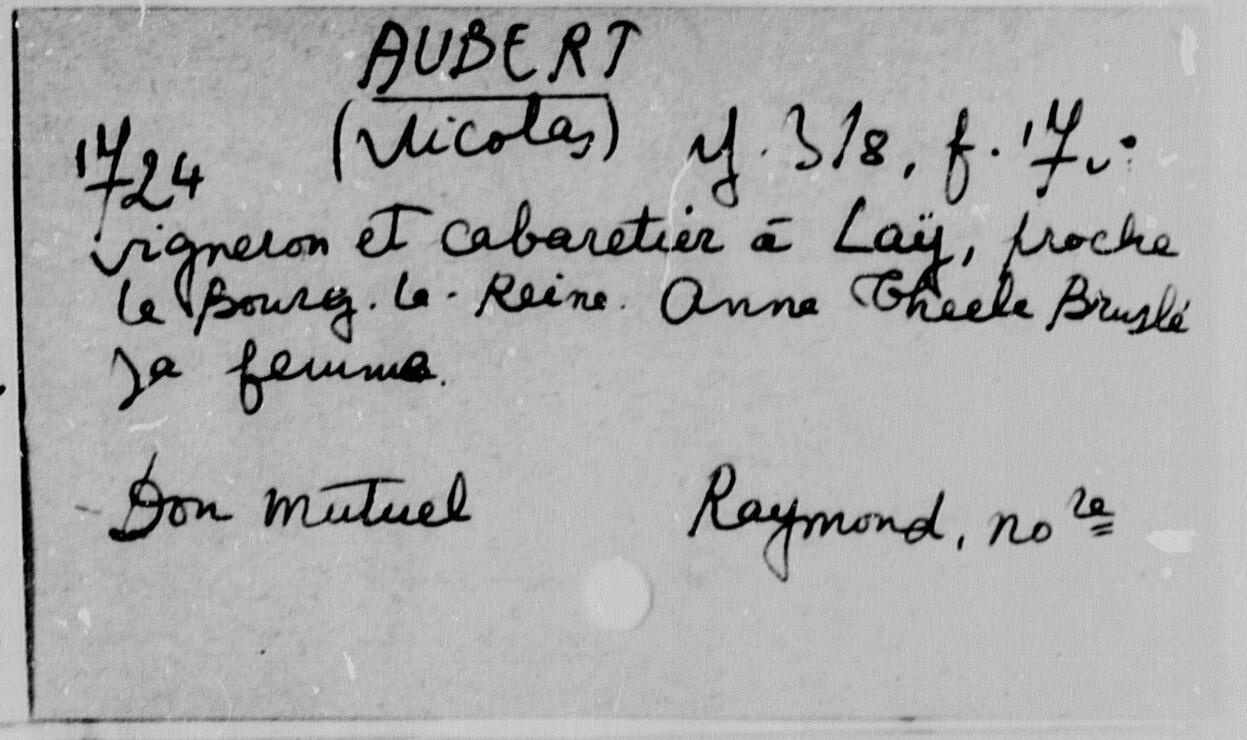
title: AUBERT (Nicolas)
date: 1724
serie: Y
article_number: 318
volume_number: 17v
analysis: Vigneron et cabaretier à Laÿ, proche le Bourg-la-Reine. Anne Checle (?) BRUSLÉ sa femme. Don mutuel. Raymond, notaire.
